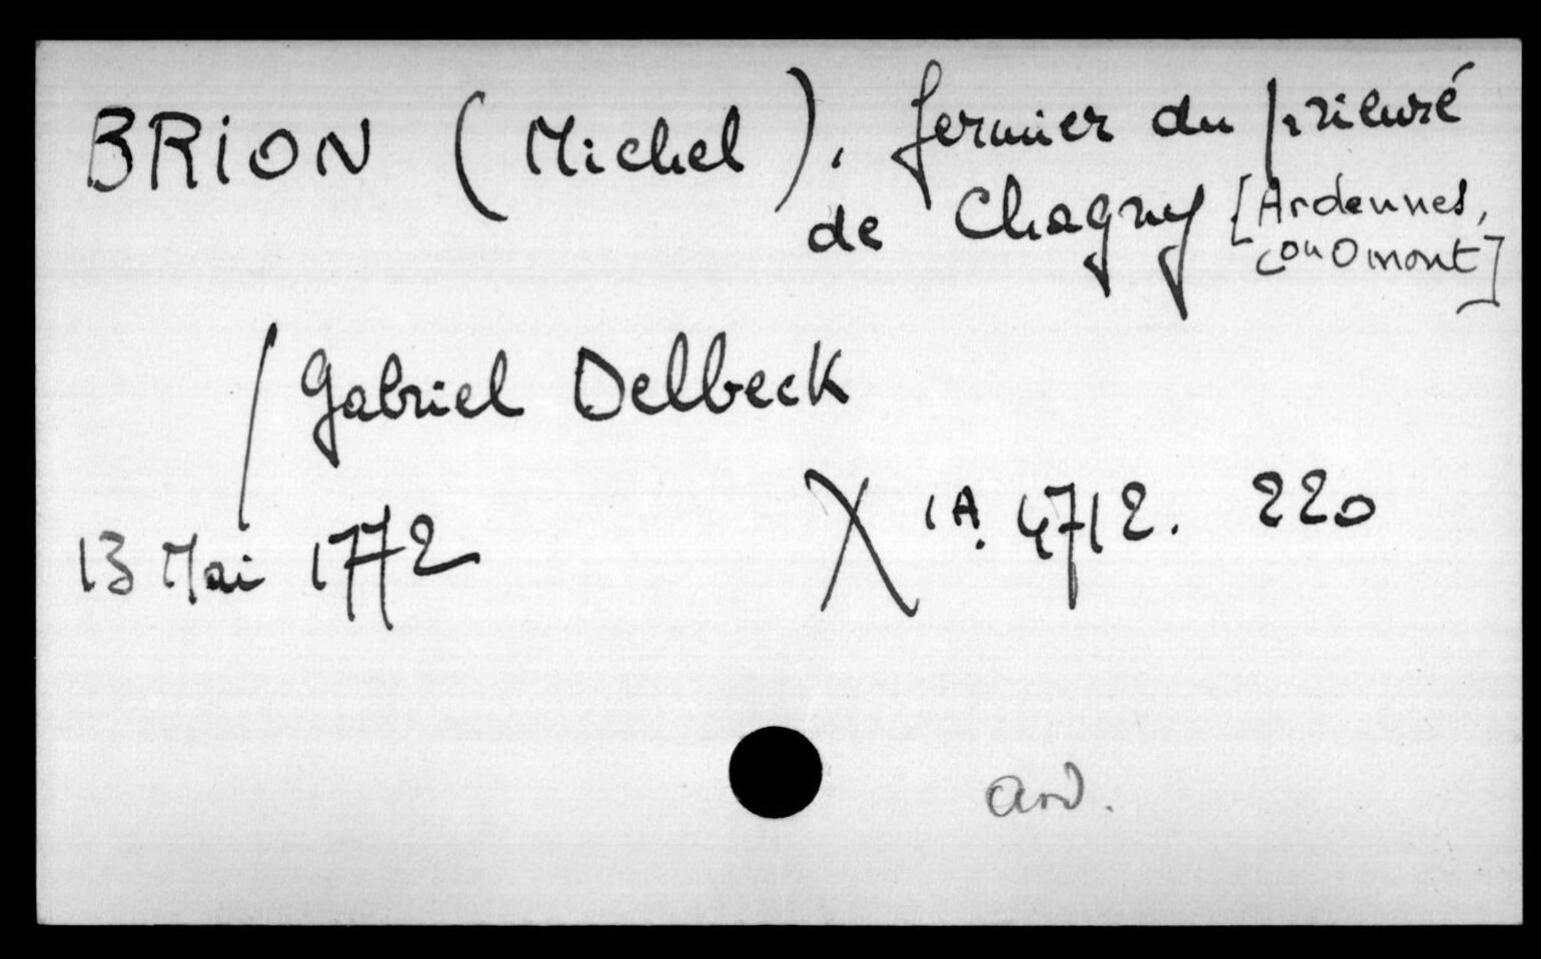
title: BRION (Michel), fermier du prieuré de Chagny [Ardennes, canton d'Omont]
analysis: contre Gabriel Delbeck
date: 13 mai 1772
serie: X1A
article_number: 4712
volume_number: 220
